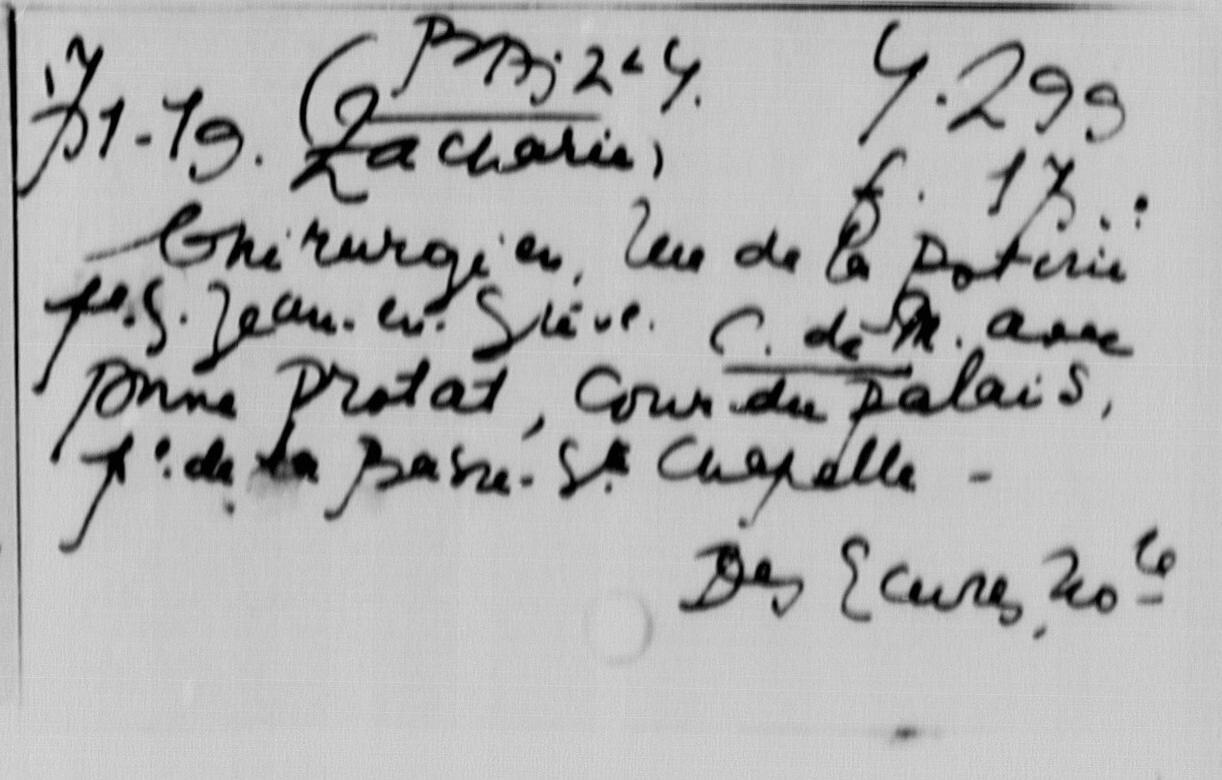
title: BAILLY (Zacharie)
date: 1701-1719
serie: Y
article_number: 299
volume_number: folio 17 verso
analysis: Chirurgien, rue de la Poterie, paroisse Saint Jean-en-Grève. Contrat de mariage avec Anne Protat, cour du Palais, paroisse de la Basse-Saint-Chapelle. Des Écures, notaire
